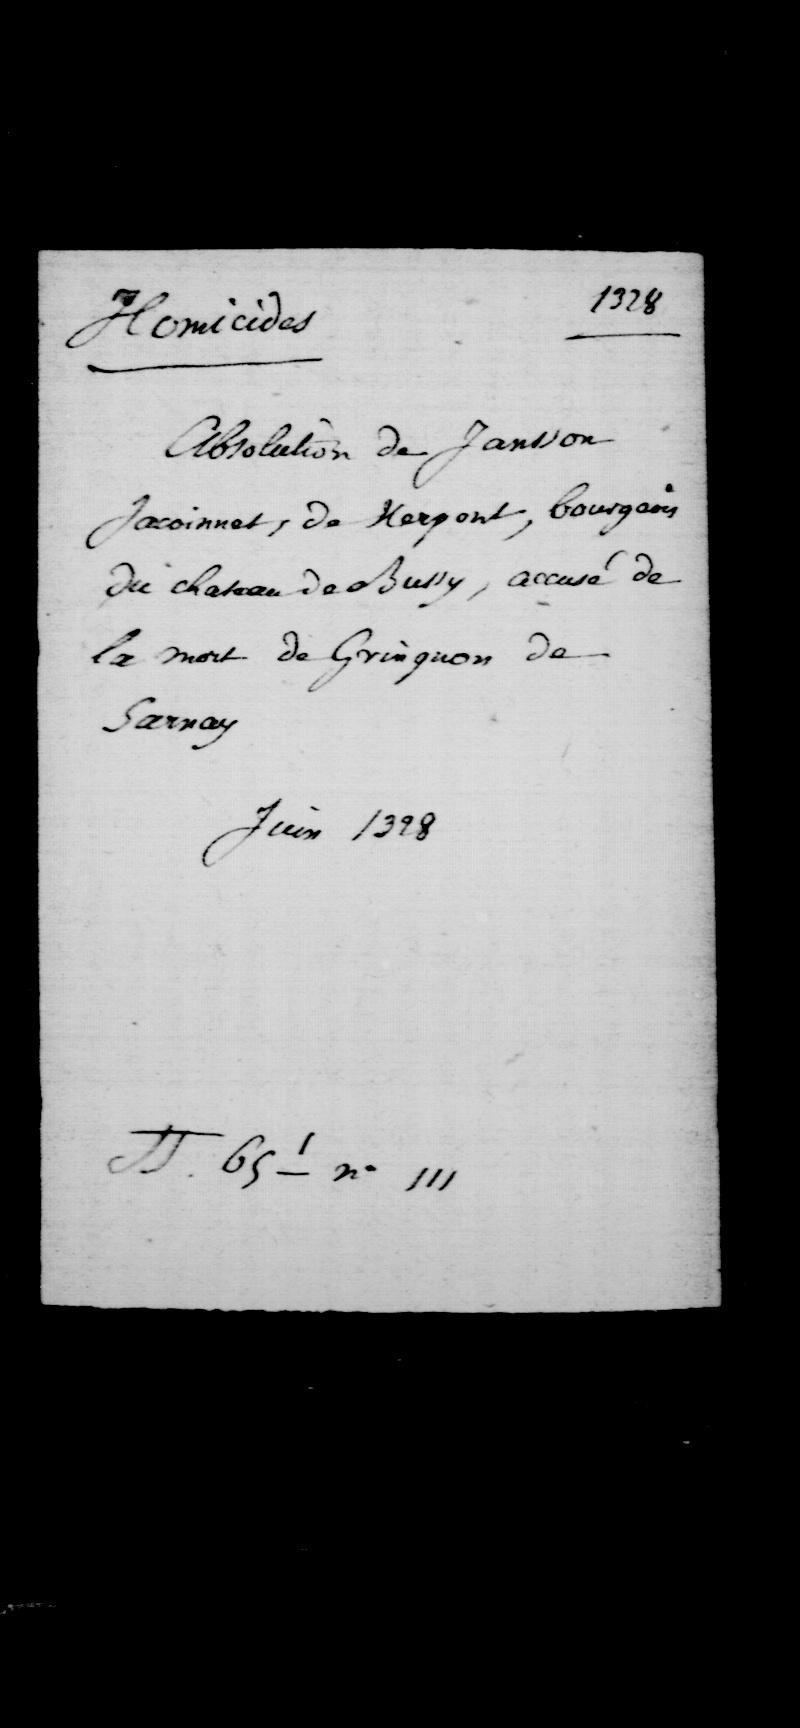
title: Homicides
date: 1328
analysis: Absolution de Jansson Jacoinnet, de Herpont, bourgeois du château de Bussy, accusé de la mort de Grinquon de Sarnay Juin 1328
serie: JJ
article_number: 65/1
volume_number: n° 111
